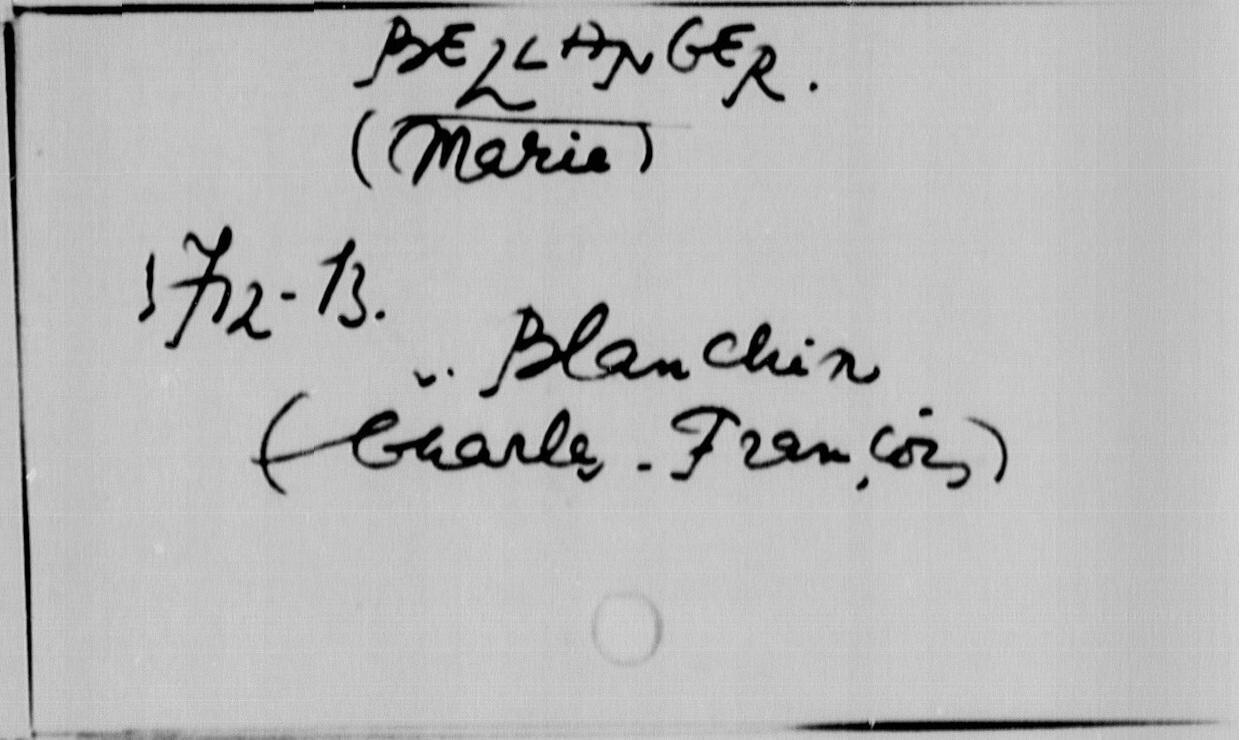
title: BELLANGER (Marie)
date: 1712-1713
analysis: Voir BLANCHIN (Charles-François)
